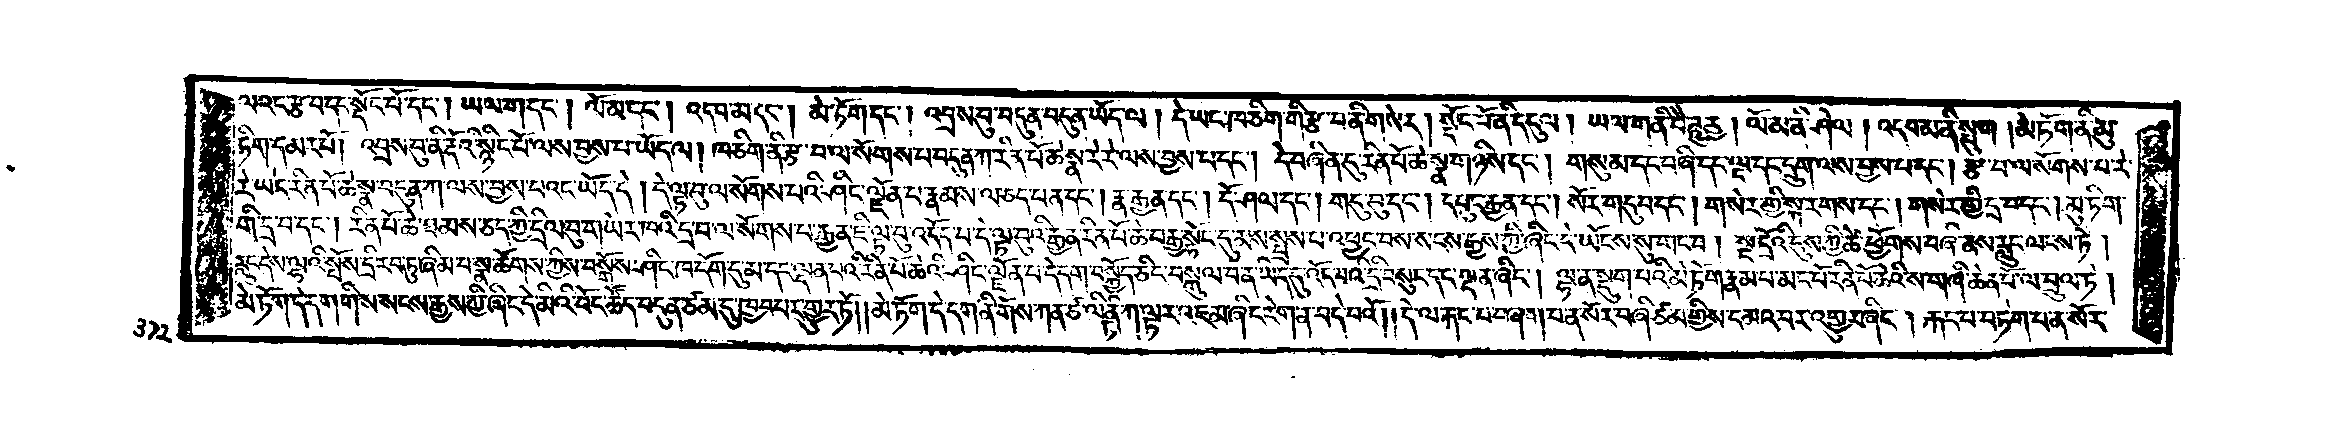ལའང་རྩ་བ་དང་སྡོང་པོ་དང་། ཡལ་ག་དང་། ལོ་མ་དང་། འདབ་མ་དང་། མེ་ཏོག་དང་། འབྲས་བུ་བདུན་བདུན་ཡོད་ལ། དེ་ཡང་ཁ་ཅིག་གི་རྩ་བ་ནི་གསེར། སྡོང་པོ་ནི་དངུལ། ཡལ་ག་ནི་བཻཌཱུ་རྱ། ལོ་མ་ནི་ཤེལ། འདབ་མ་ནི་སྤུག །མེ་ཏོག་ནི་མུ་
ཏིག་དམར་པོ། འབྲས་བུ་ནི་རྡོའི་སྙིང་པོ་ལས་བྱས་པ་ཡོད་ལ། ཁ་ཅིག་ནི་རྩ་བ་ལ་སོགས་པ་བདུན་ཀ་རིན་པོ་ཆེ་སྣ་རེ་རེ་ལས་བྱས་པ་དང་། དེ་བཞིན་དུ་རིན་པོ་ཆེ་སྣ་གཉིས་དང་། གསུམ་དང་བཞི་དང་ལྔ་དང་དྲུག་ལས་བྱས་པ་དང་། རྩ་བ་ལ་སོགས་པ་རེ་
རེ་ཡང་རིན་པོ་ཆེ་སྣ་བདུན་ཀ་ལས་བྱས་པའང་ཡོད་དེ། དེ་ལྟ་བུ་ལ་སོགས་པའི་ཤིང་ལྗོན་པ་རྣམས་ལ་ཅོད་པན་དང་། རྣ་རྒྱན་དང་། དོ་ཤལ་དང་། གདུ་བུ་དང་། དཔུང་རྒྱན་དང་། སོར་གདུབ་དང་། གསེར་གྱི་སྐ་རགས་དང་། གསེར་གྱི་དྲ་བ་དང་། མུ་ཏིག་
གི་དྲ་བ་དང་། རིན་པོ་ཆེ་ཐམས་ཅད་ཀྱི་དྲིལ་བུ་གཡེར་ཁའི་དྲ་བ་ལ་སོགས་པ་རྒྱན་ཇི་ལྟ་བུ་འདོད་པ་དེ་ལྟ་བུའི་རྒྱན་རིན་པོ་ཆེ་བརྒྱ་སྟོང་དུ་མས་སྤྲས་པ་འཕྱང་བས་སངས་རྒྱས་ཀྱི་ཞིང་དེ་ཡོངས་སུ་གང་བ། སྔ་དྲོའི་དུས་ཀྱི་ཚེ་ཕྱོགས་བཞི་ནས་སྲླུང་ལངས་ཏེ།
རླུང་དེས་ལྷའི་སྤོས་དྲི་རབ་ཏུ་ཞིམ་པ་སྣ་ཚོགས་ཀྱིས་བསྒོས་ཤིང་ཁ་དོག་དུ་མ་དང་ལྡན་པའི་རིན་པོ་ཆེའི་ཤིང་ལྗོན་པ་དེ་དག་བསྐྱོད་ཅིང་བསྒུལ་བ་ན་ཡིད་དུ་འོང་བའི་དྲི་བསུང་དང་ལྡན་ཞིང་། ལྟ་ན་སྡུག་པའི་མེ་ཏོག་རྣམ་པ་མང་པོ་རིན་པོ་ཆེའི་ས་གཞི་ཆེན་པོ་ལ་བྲུལ་ཏེ།
མེ་ཏོག་དེ་དག་གིས་སངས་རྒྱས་ཀྱི་ཞིང་དེ་མིའི་བོང་ཚོད་བདུན་ཙམ་དུ་ཁྱབ་པར་གྱུར་ཏོ། །མེ་ཏོག་དེ་དག་ནི་གོས་ཀན་ཙ་ལིནྟི་ཀ་ལྟར་འཇམ་ཞིང་རེག་ན་བདེ་བའོ། །དེ་ལ་རྐང་པ་བཞག་པ་ན་སོར་བཞི་ཙམ་གྱིས་དམའ་བར་འགྱུར་ཞིང་། རྐང་པ་བཏེག་པ་ན་སོར་